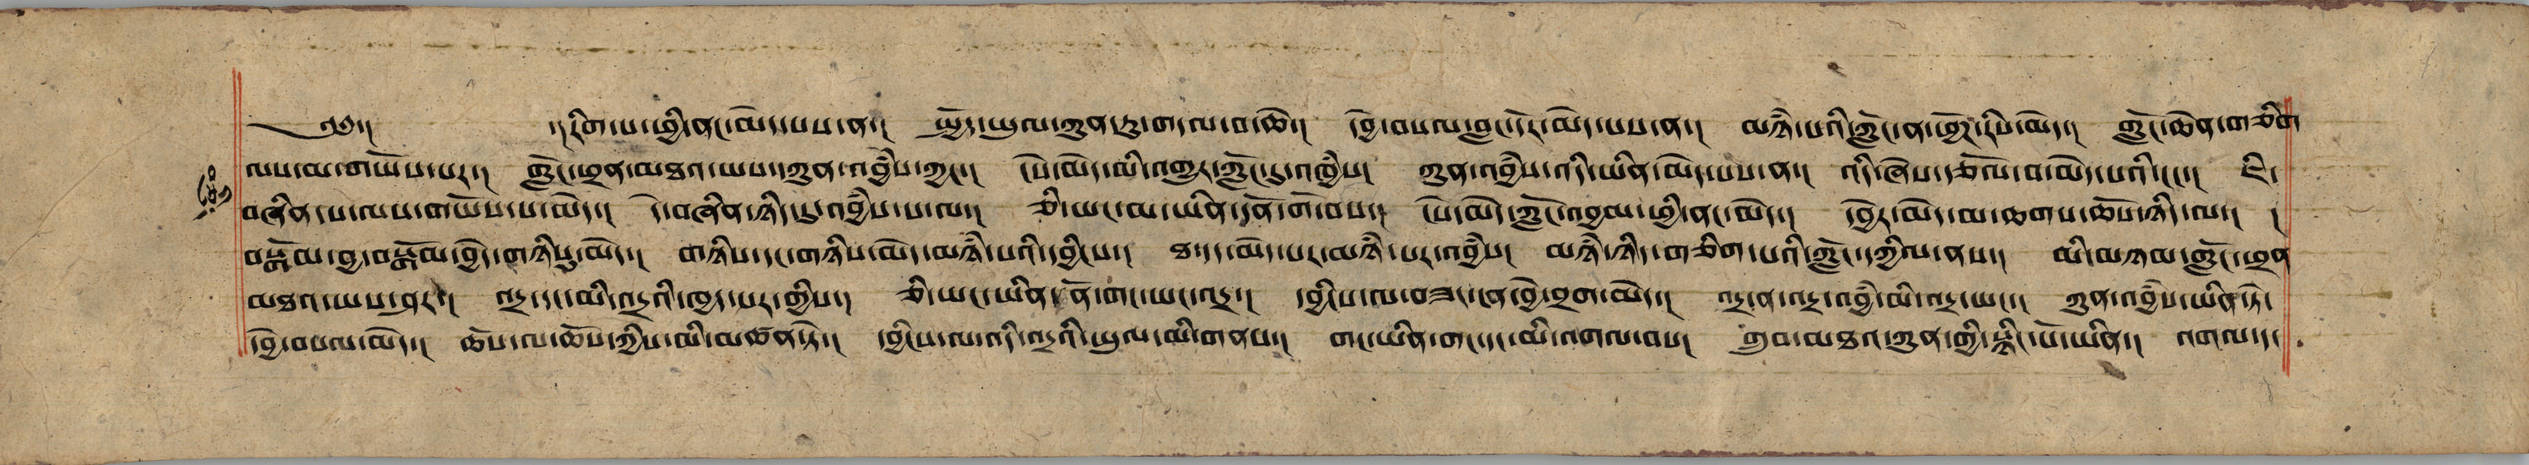༄༅་། ་།རིག་པ་ཕྱི་ནང་མེད་པས་ན་། སྤྱོད་ཡུལ་ཀུན་ཏུ་གདལ་བ་ཆེ་། དབྱེ་བསལ་བླང་དོར་མེད་པས་ན་། མཉཾ་པའི་ཀློང་ན་ཕྱོཌ་རིས་མེད་། གློང་ཆེན་གཅིག
ལས་མ་གཡོས་པར་། གླེང་ཕྲན་མཐའ་ཡས་དཀུན་འབྱཾས་ཀྱང་། ངེས་མེད་མི་འགྱུར་ཀློང་དུ་འཁྱཾས་། ཀུན་འབྱཾས་འདི་ཡིན་མེད་པས་ན་། འདི་ཞེས་རྩོལ་བ་མེད་པའི་ངང་། ཇི་
བཞིན་པ་ལས་གཡོས་ས་མེད་། དེ་བཞིན་ཉིད་དུ་འབྱཾས་པ་ལ་། ཅི་ཡང་མ་ཡིན་དོན་གོ་བས་། ཡོད་མེད་ཀློང་འབྱམ་ཕྱི་ནང་མེད་། དབྱེར་མེད་མ་ཆགས་ཆོས་ཉིད་ལ་།
བསྒོམ་བྱ་བསྒོམ་བྱེད་གཉིསུ་མེད་། གཉིས་དང་གཉིས་མེད་མཉཾ་པའི་དབྱིངས་། ཐ་དད་མེད་པར་མཉཾ་པར་འབྱཾས་ མཉཾ་ཉིད་གཅིག་པའི་ཀློང་དཀྱིལ་ནས་། མི་མཉམ་གློང་ཕྲན
མཐའ་ཡས་ཤར་། འདྲ་དང་མི་འདྲའི་ཁྱད་པར་གྱིས་། ཅི་ཡང་ཡིན་ནོ་གང་ཡང་འདྲ་། དབྱིངས་ལ་བཟང་ངན་བྱེ་བྲག་མེད་། འདྲ་ན་འདྲ་འབྱཾ་མི་འདྲ་ཡང་། ཀུན་འབྱཾས་ཡིན་ཏེ་
དབྱེ་བསལ་མེད་། ཆོས་ལ་ཆོས་ཀྱིས་མི་མཚན་ཏེ་། དབྱིངས་ལ་འདི་འདྲའི་ཡུལ་མི་གནས་། གང་ཡིན་གང་དང་མི་འགལ་བས་། གྲུབ་མཐའ་ཀུན་གྱི་སྙིང་པོ་ཡིན་། འགལ་དང